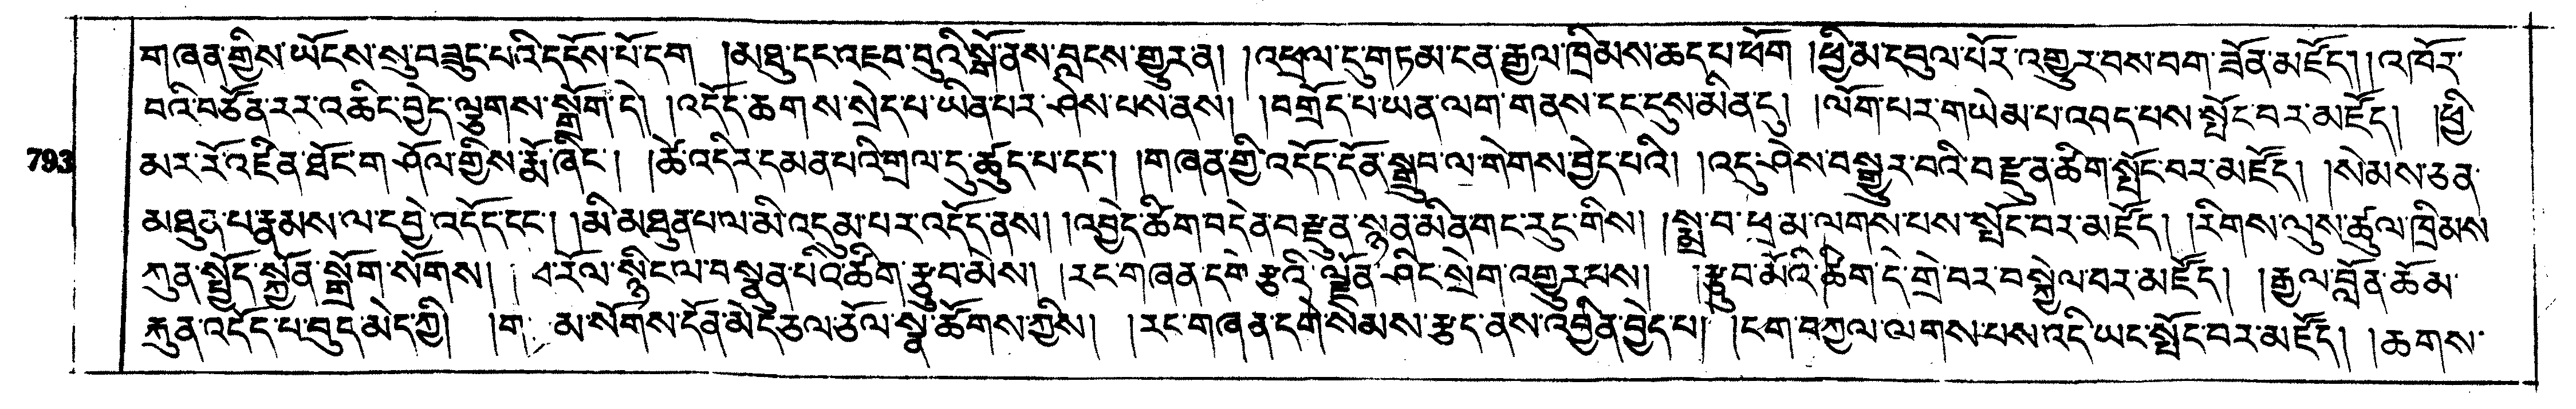གཞན་གྱིས་ཡོངས་སུ་བཟུང་པའི་དངོས་པོ་དག །མཐུ་དང་འཇབ་བུའི་སྒོ་ནས་བླངས་གྱུར་ན། །འཕྲལ་དུ་གཏམ་ངན་རྒྱལ་ཁྲིམས་ཆད་པ་ཕོག །ཕྱི་མ་དབུལ་པོར་འགྱུར་བས་བག་ཟོན་མཛོད། །འཁོར་
བའི་བཙོན་རར་འཆིང་བྱེད་ལྕགས་སྒྲོག་དེ། །འདོད་ཆགས་སྲེད་པ་ཡིན་པར་ཤེས་པས་ནས། །བགྲོད་པ་ཡན་ལག་གནས་དང་དུས་མིན་དུ། །ལོག་པར་གཡེམ་པ་འབད་པས་སྤོང་བར་མཛོད། །ཕྱི་
མར་རོ་འཛིན་ཐོང་གཤོལ་གྱིས་རྨོ་ཞིང་། །ཚེ་འདིར་དམན་པའི་གྲལ་དུ་ཚུད་པ་དང་། །གཞན་གྱི་འདོད་དོན་སྒྲུབ་ལ་གེགས་བྱེད་པའི། །འདུ་ཤེས་བསྒྱུར་བའི་བརྫུན་ཚིག་སྤོང་བར་མཛོད། །སེམས་ཅན་
མཐུན་པ་རྣམས་ལ་དབྱེ་འདོད་དང་། །མི་མཐུན་པ་ལ་མི་འདུམ་པར་འདོད་ནས། །འབྱེད་ཚིག་བདེན་བརྫུན་སྙན་མིན་གང་རུང་གིས། །སྨྲ་བ་ཕྲ་མ་ལགས་པས་སྤོང་བར་མཛོད། །རིགས་ལུས་ཚུལ་ཁྲིམས་
ཀུན་སྤྱོད་སྐྱོན་སྒྲོག་སོགས། །ཕ་རོལ་སྙིང་ལ་བསྣུན་པའི་ཚིག་རྩུབ་མེས། །རང་གཞན་དགེ་རྩའི་ལྗོན་ཤིང་སྲེག་འགྱུར་པས། །རྩུབ་མོའི་ཚིག་དེ་གྲེ་བར་བསྐྱེལ་བར་མཛོད། །རྒྱལ་བློན་ཆོམ་
རྐུན་འདོད་པ་བུད་མེད་ཀྱི། །གཏམ་?་སོགས་དོན་མེད་ཅལ་ཅོལ་སྣ་ཚོགས་ཀྱིས། །རང་གཞན་དགེ་སེམས་རྩད་ནས་འབྱིན་བྱེད་པ། །ངག་བཀྱལ་ལགས་པས་འདི་ཡང་སྤོང་བར་མཛོད། །ཆགས་